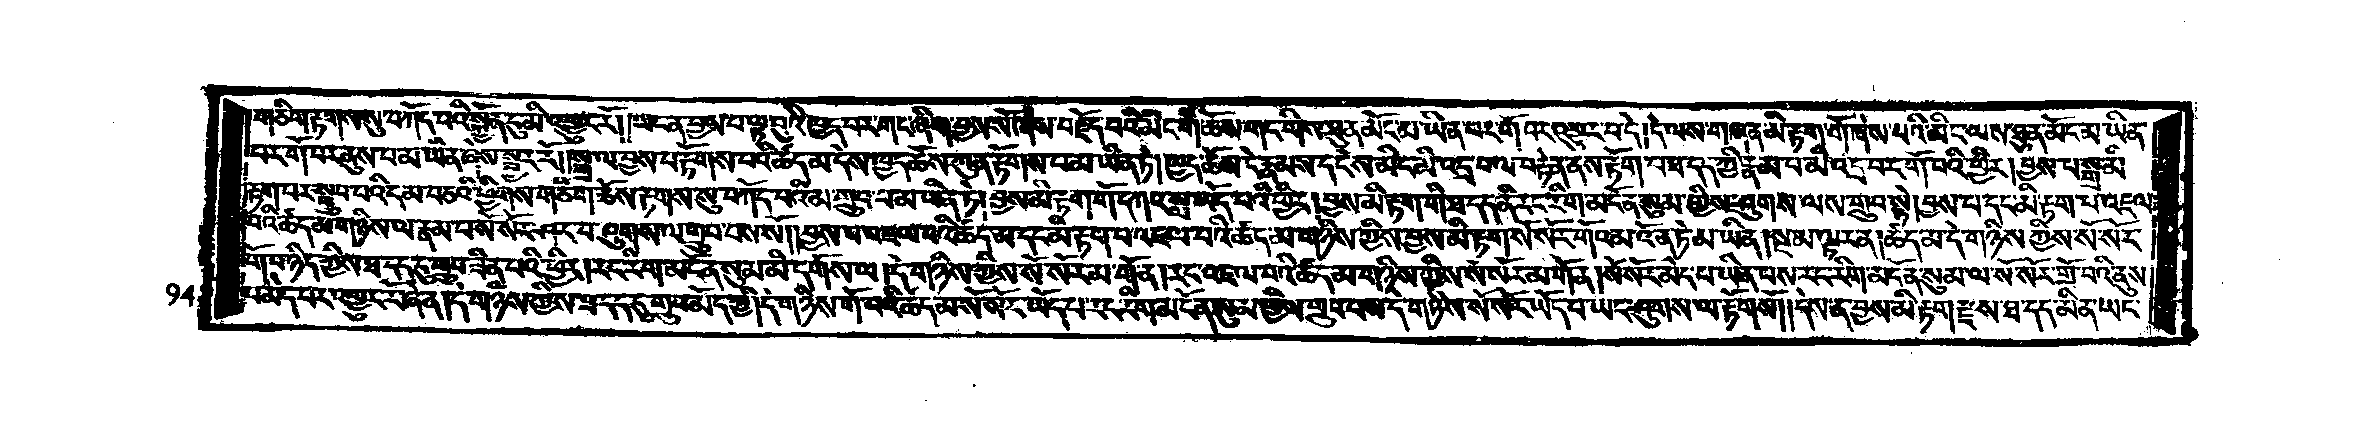གཅིག་རྟགས་སུ་བཀོད་པའི་སྐྱོན་དུ་མི་འགྱུར་རོ། །ཡང་ན་བྱས་པ་ལྟ་བུའི་ཁྱད་པར་གང་ཞིག་བྱས་སོ་ཞེས་བརྗོད་པའི་མིང་གི་ཆོས་གང་གིས་ཐུན་མོང་མ་ཡིན་པར་གོ་བར་འགྱུར་བ་དེ། དེ་ལས་གཞན་མི་རྟག་གོ་ཞེས་པའི་མིང་ལས་ཐུན་མོང་མ་ཡིན་
པར་གོ་བར་ནུས་པ་མ་ཡིན་ཞེས་སྦྱར་རོ། །སྒྲ་ལ་བྱས་པ་རྟོགས་པའི་ཚད་མ་དེས་ཁྱད་ཆོས་ཀུན་རྟོགས་པ་མ་ཡིན་ཏེ། ཁྱད་ཆོས་དེ་རྣམས་དངོས་མིང་མི་འདྲ་བ་ལ་བརྟེན་ནས་རྟོག་པ་ཐ་དད་ཀྱི་རྣམ་པ་མི་འདྲ་བར་གོ་བའི་ཕྱིར། བྱས་པ་སྒྲ་མི་
རྟག་པར་སྒྲུབ་པའི་དམ་བཅའི་ཕྱོགས་གཅིག་ཆོས་རྟགས་སུ་བཀོད་པའི་མ་གྲུབ་པ་མ་ཡིན་ཏེ། བྱས་མི་རྟག་གོ་དཀའ་སླ་ཡོད་པའི་ཕྱིར། བྱས་མི་རྟག་གི་ཐ་དད་ནི་རང་རིག་མངོན་སུམ་གྱིས་ཤུགས་ལས་གྲུབ་སྟེ། བྱས་པ་དང་མི་རྟག་པ་འཇལ་
བའི་ཚད་མ་གཉིས་ལ་རྣམ་པ་སོ་སོར་ཤར་བ་ཤུགས་ལ་གྲུབ་པས་སོ། །བྱས་པ་འཇལ་བའི་ཚད་མ་དང་མི་རྟག་པ་འཇལ་བའི་ཚད་མ་གཉིས་ཀྱིས་བྱས་མི་རྟག་སོ་སོར་གོའམ་འོན་ཏེ་མ་ཡིན། སྔ་མ་ལྟར་ན། ཚད་མ་དེ་གཉིས་ཀྱིས་སོ་སོར་
གོ་བ་ཉིད་ཀྱིས་ཐ་དད་དུ་གྲུབ་ཟིན་པའི་ཕྱིར། རང་རིག་མངོན་སུམ་མི་དགོས་ལ། དེ་གཉིས་ཀྱིས་སོ་སོར་མ་གོ་ན། རང་འཇལ་བའི་ཚད་མ་གཉིས་ཀྱིས་སོ་སོར་མ་གོ་ན། སོ་སོར་མེད་པ་ཡིན་པས་རང་རིག་མངོན་སུམ་ལ་སོ་སོར་གྲོ་བའི་ནུས་
པ་མེད་པར་འགྱུར་རོ་ཞེ་ན། དེ་གཉིས་ཀྱིས་ཐ་དད་དུ་གྲུབ་མོད་ཀྱི། དེ་གཉིས་གོ་བའི་ཚད་མ་སོ་སོར་ཡོད་པ་རང་རིག་མངོན་སུམ་གྱིས་གྲུབ་པས་དེ་གཉིས་སོ་སོར་ཡོད་པ་ཡང་ཤུགས་ལ་རྟོགས་སོ། དེས་ན་བྱས་མི་རྟག་རྫས་ཐ་དད་མིན་ཡང་